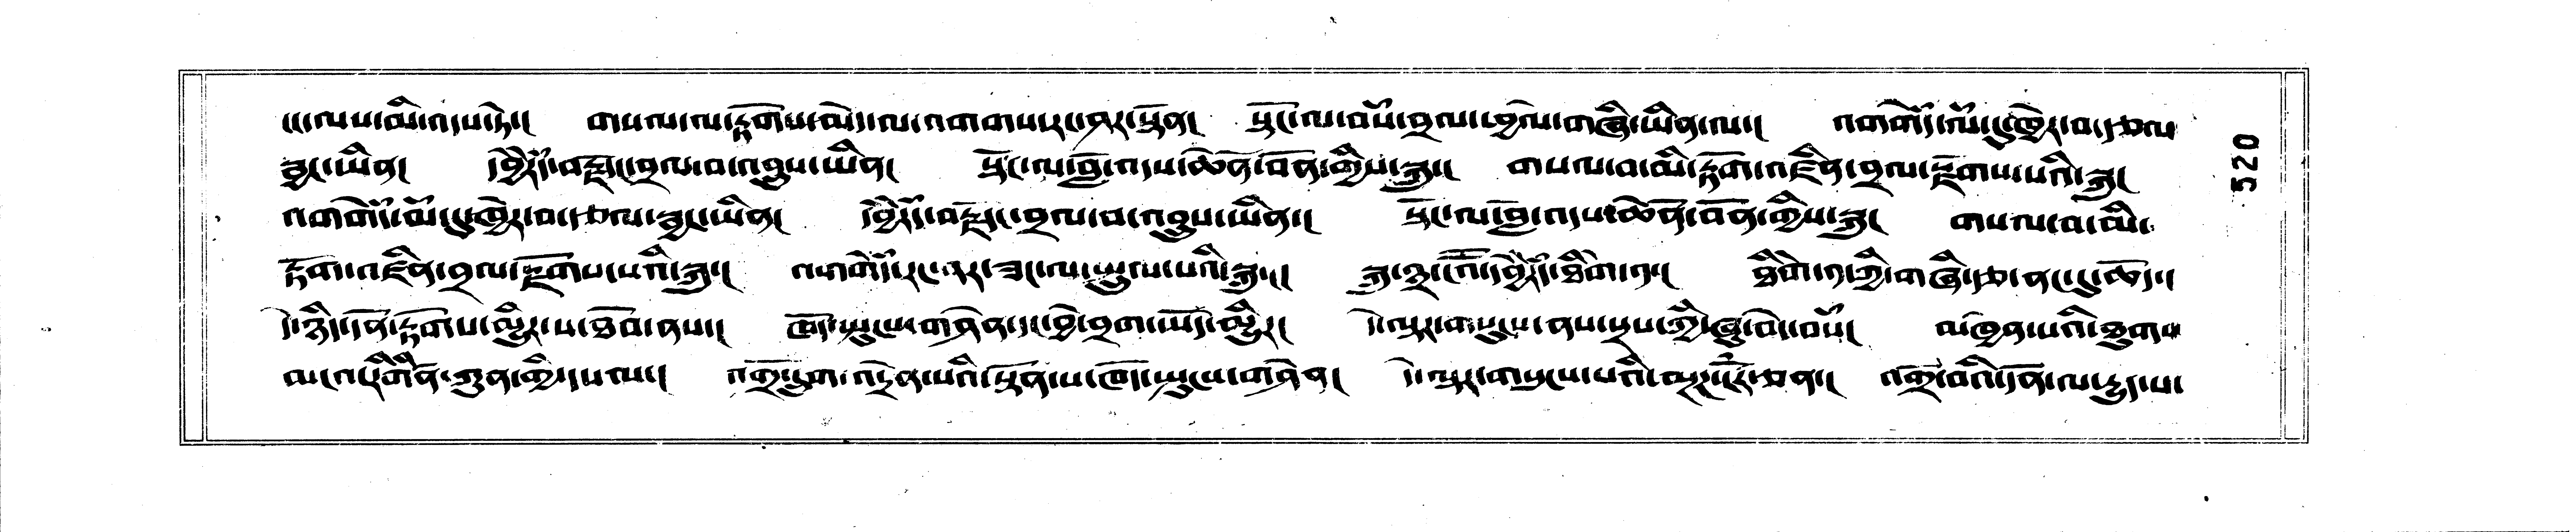ངང་ལས་མི་འདས་སྟེ། གསལ་ལ་རྟོག་མེད་མ་གྷག་(འགག)་རང་ཤར་སྟེ། སྟོང་ལ་བསམ་བྲལ་ཕྱོལ་བ་དེ་ཡིན་པ་ལ། གྷག་(འགག)་མེད་ལམ་དུ་ཁྱེར་བ་སྟེ་རྩལ་
སྦྱང་བ་ཡིན། བྱར་མེད་བརྗོད་དང་བྲལ་བ་དེ་འབྲས་བུ་ཡིན། སྟོང་པ་བློ་འདས་ཆེན་པོ་བོན་གྱི་སྐུ། གསལ་ལ་མི་རྟོག་འཛིན་བྲལ་རྫོགས་པའི་སྐུ། 
གྷག་(འགག)་མེད་རང་ཤར་ཟངས་མ་སྤྲུལ་པའི་སྐུ། སྐུ་གསུམ་ངོའོ་དབྱེར་མེད་ཐིག་ལེ་ལ། ཐིག་ལེ་ཅིག་གི་གཞི་རྩ་ནང་དུ་ཆོད། 
དེ་ཉིད་དོན་རྟོགས་མི་གྱུར་ས་ཐོབ་ནས། ཁོད་སྤུངས་གཤེན་དང་བྱེ་བྲག་ཡོད་མི་གྱུར། དེ་ལྟར་གསུངས་ནས་ཀྱང་། སྲས་ཀྱི་ཞུ་བདོ་བསམ། མཁྱེན་པའི་ཐུགས་
མངའ་རིག་འཛིན་ཀུན་གྱིས་དཔལ། འགྲོ་དྲུག་འདྲེན་པའི་སྟོན་པ་ཁོད་སྤུངས་གཤེན། དེ་ལྟར་གསུངས་པའི་མེན་ངག་ངོ་མཚར་ཅན། འགྲོ་བའི་དོན་ལ་བརྒྱུད་པས་